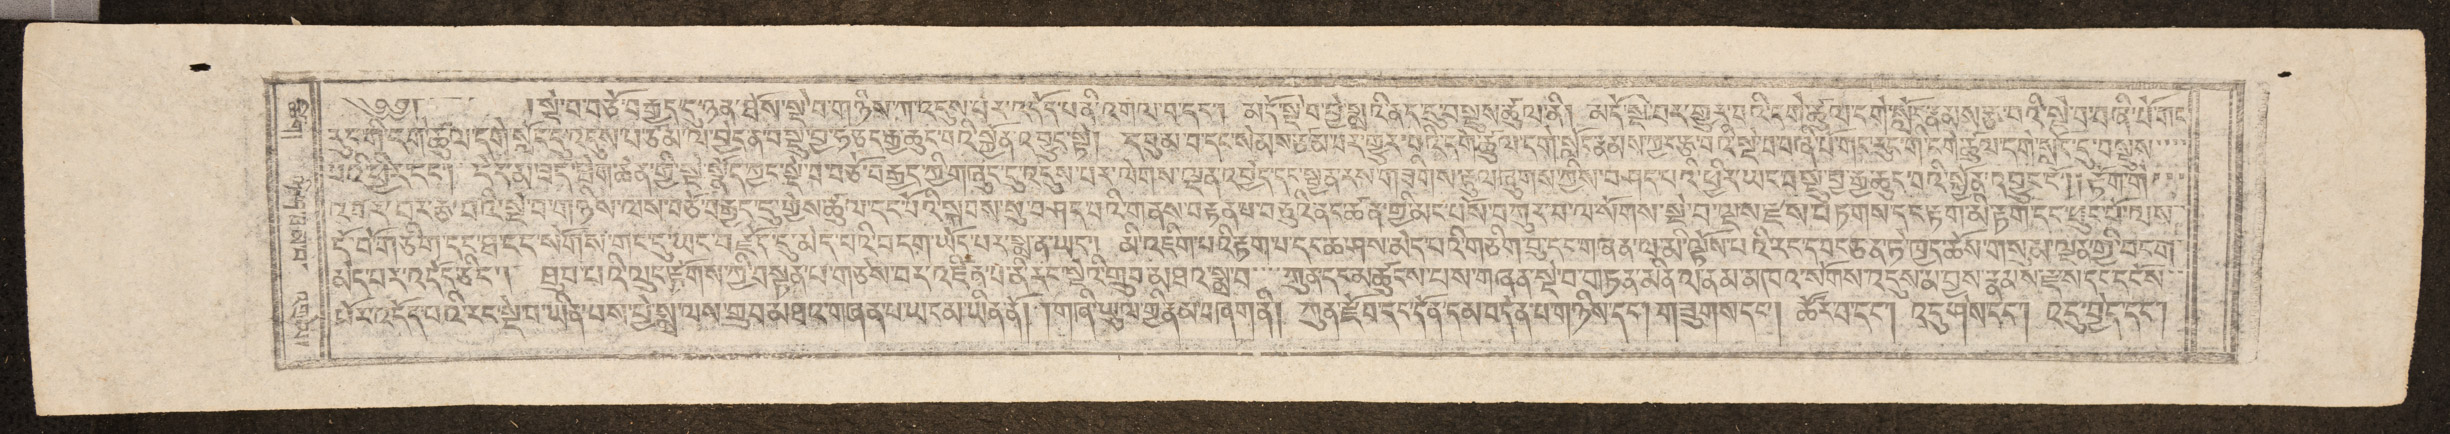༄༅། །སྡེ་བ་བཅོ་བརྒྱད་དུ་ཉན་ཐོས་སྡེ་བ་གཉིས་ཀ་འདུས་པར་འདོད་པ་ནི་འགལ་བ་དང་། མདོ་སྡེ་བ་བྱེ་སྨྲའི་ནང་དུ་བསྡུས་ཚུལ་ནི། མདོ་སྡེ་བར་གྱུར་བའི་དགེ་ཚུལ་དགེ་སློང་རྣམས་རྩ་བའི་སྡེ་བ་བཞི་པོ་གང་
རུང་གི་དགེ་ཚུལ་དགེ་སློང་དུ་འདུས་པ་ཙམ་ལ་བྱེད་ན་བསྡུ་བྱ་ཧ་ཅང་རྒྱ་ཆུང་བའི་སྐྱོན་འབྱུང་སྟེ། དབུ་མ་བ་དང་སེམས་ཙམ་པར་གྱུར་བའི་དགེ་ཚུལ་དགེ་སློང་རྣམས་ཀྱང་རྩ་བའི་སྡེ་བ་བཞི་པོ་གང་རུང་གི་དགེ་ཚུལ་དགེ་སློང་དུ་བསྡུས་
པའི་ཕྱིར་དང་། དེར་མ་ཟད་ཐེག་ཆེན་གྱི་སྡེ་སྣོད་ཀྱང་སྡེ་བ་བཅོ་བརྒྱད་ཀྱི་གཞུང་དུ་འདུས་པར་ལེགས་ལྡན་འབྱེད་དང་སྤྱན་རས་གཟིགས་རྟུལ་ཞུགས་ཀྱིས་བཤད་པའི་ཕྱིར་ཡང་བསྡུ་བྱ་རྒྱ་ཆུང་བའི་སྐྱོན་འབྱུང་ངོ། །རྟོག་གེ་
འབར་བར་རྩ་བའི་སྡེ་བ་གཉིས་ལས་བཅོ་བརྒྱད་དུ་གྱེས་ཚུལ་དང་པོའི་སྐབས་སུ་བཤད་པའི་གནས་བརྟན་པ་བཅུའི་ནང་ཚན་གྱི་མང་པོས་བཀུར་བ་ལ་སོགས་སྡེ་པ་ལྔས་རྫས་བཏགས་དང་རྟག་མི་རྟག་དང་ཕུང་པོ་ལས་
ངོ་བོ་གཅིག་དང་ཐ་དད་སོགས་གང་དུ་ཡང་བརྗོད་དུ་མེད་པའི་བདག་ཡོད་པར་སྨྲ་ན་ཡང་། མི་འཇིག་པའི་རྟག་པ་དང་ཆ་ཤས་མེད་པའི་གཅིག་བུ་དང་གཞན་ལ་མི་ལྟོས་པའི་རང་དབང་ཅན་ཏེ་ཁྱད་ཆོས་གསུམ་ལྡན་གྱི་བདག་
མེད་པར་འདོད་ཅིང་། ཐུབ་པའི་ལུང་རྟོགས་ཀྱི་བསྟན་པ་གཅེས་བར་འཛིན་པ་ནི་རང་སྡེའི་གྲུབ་མཐའ་སྨྲ་བ་ཀུན་དང་མཚུངས་པས་གཞན་སྡེ་བ་གཏན་མིན་ལ་ནམ་མཁའ་སོགས་འདུས་མ་བྱས་རྣམས་རྫས་དང་དངོས་
པོར་འདོད་པའི་རང་སྡེ་བ་ཡིན་པས་བྱེ་སྨྲ་ལས་གྲུབ་མཐའ་གཞན་པ་ཡང་མ་ཡིན་ནོ། །གཞི་ཡུལ་གྱི་རྣམ་བཞག་ནི། ཀུན་རྫོབ་དང་དོན་དམ་བདེན་པ་གཉིས་དང་། གཟུགས་དང་། ཚོར་བ་དང་། འདུ་ཤེས་དང་། འདུ་བྱེད་དང་།